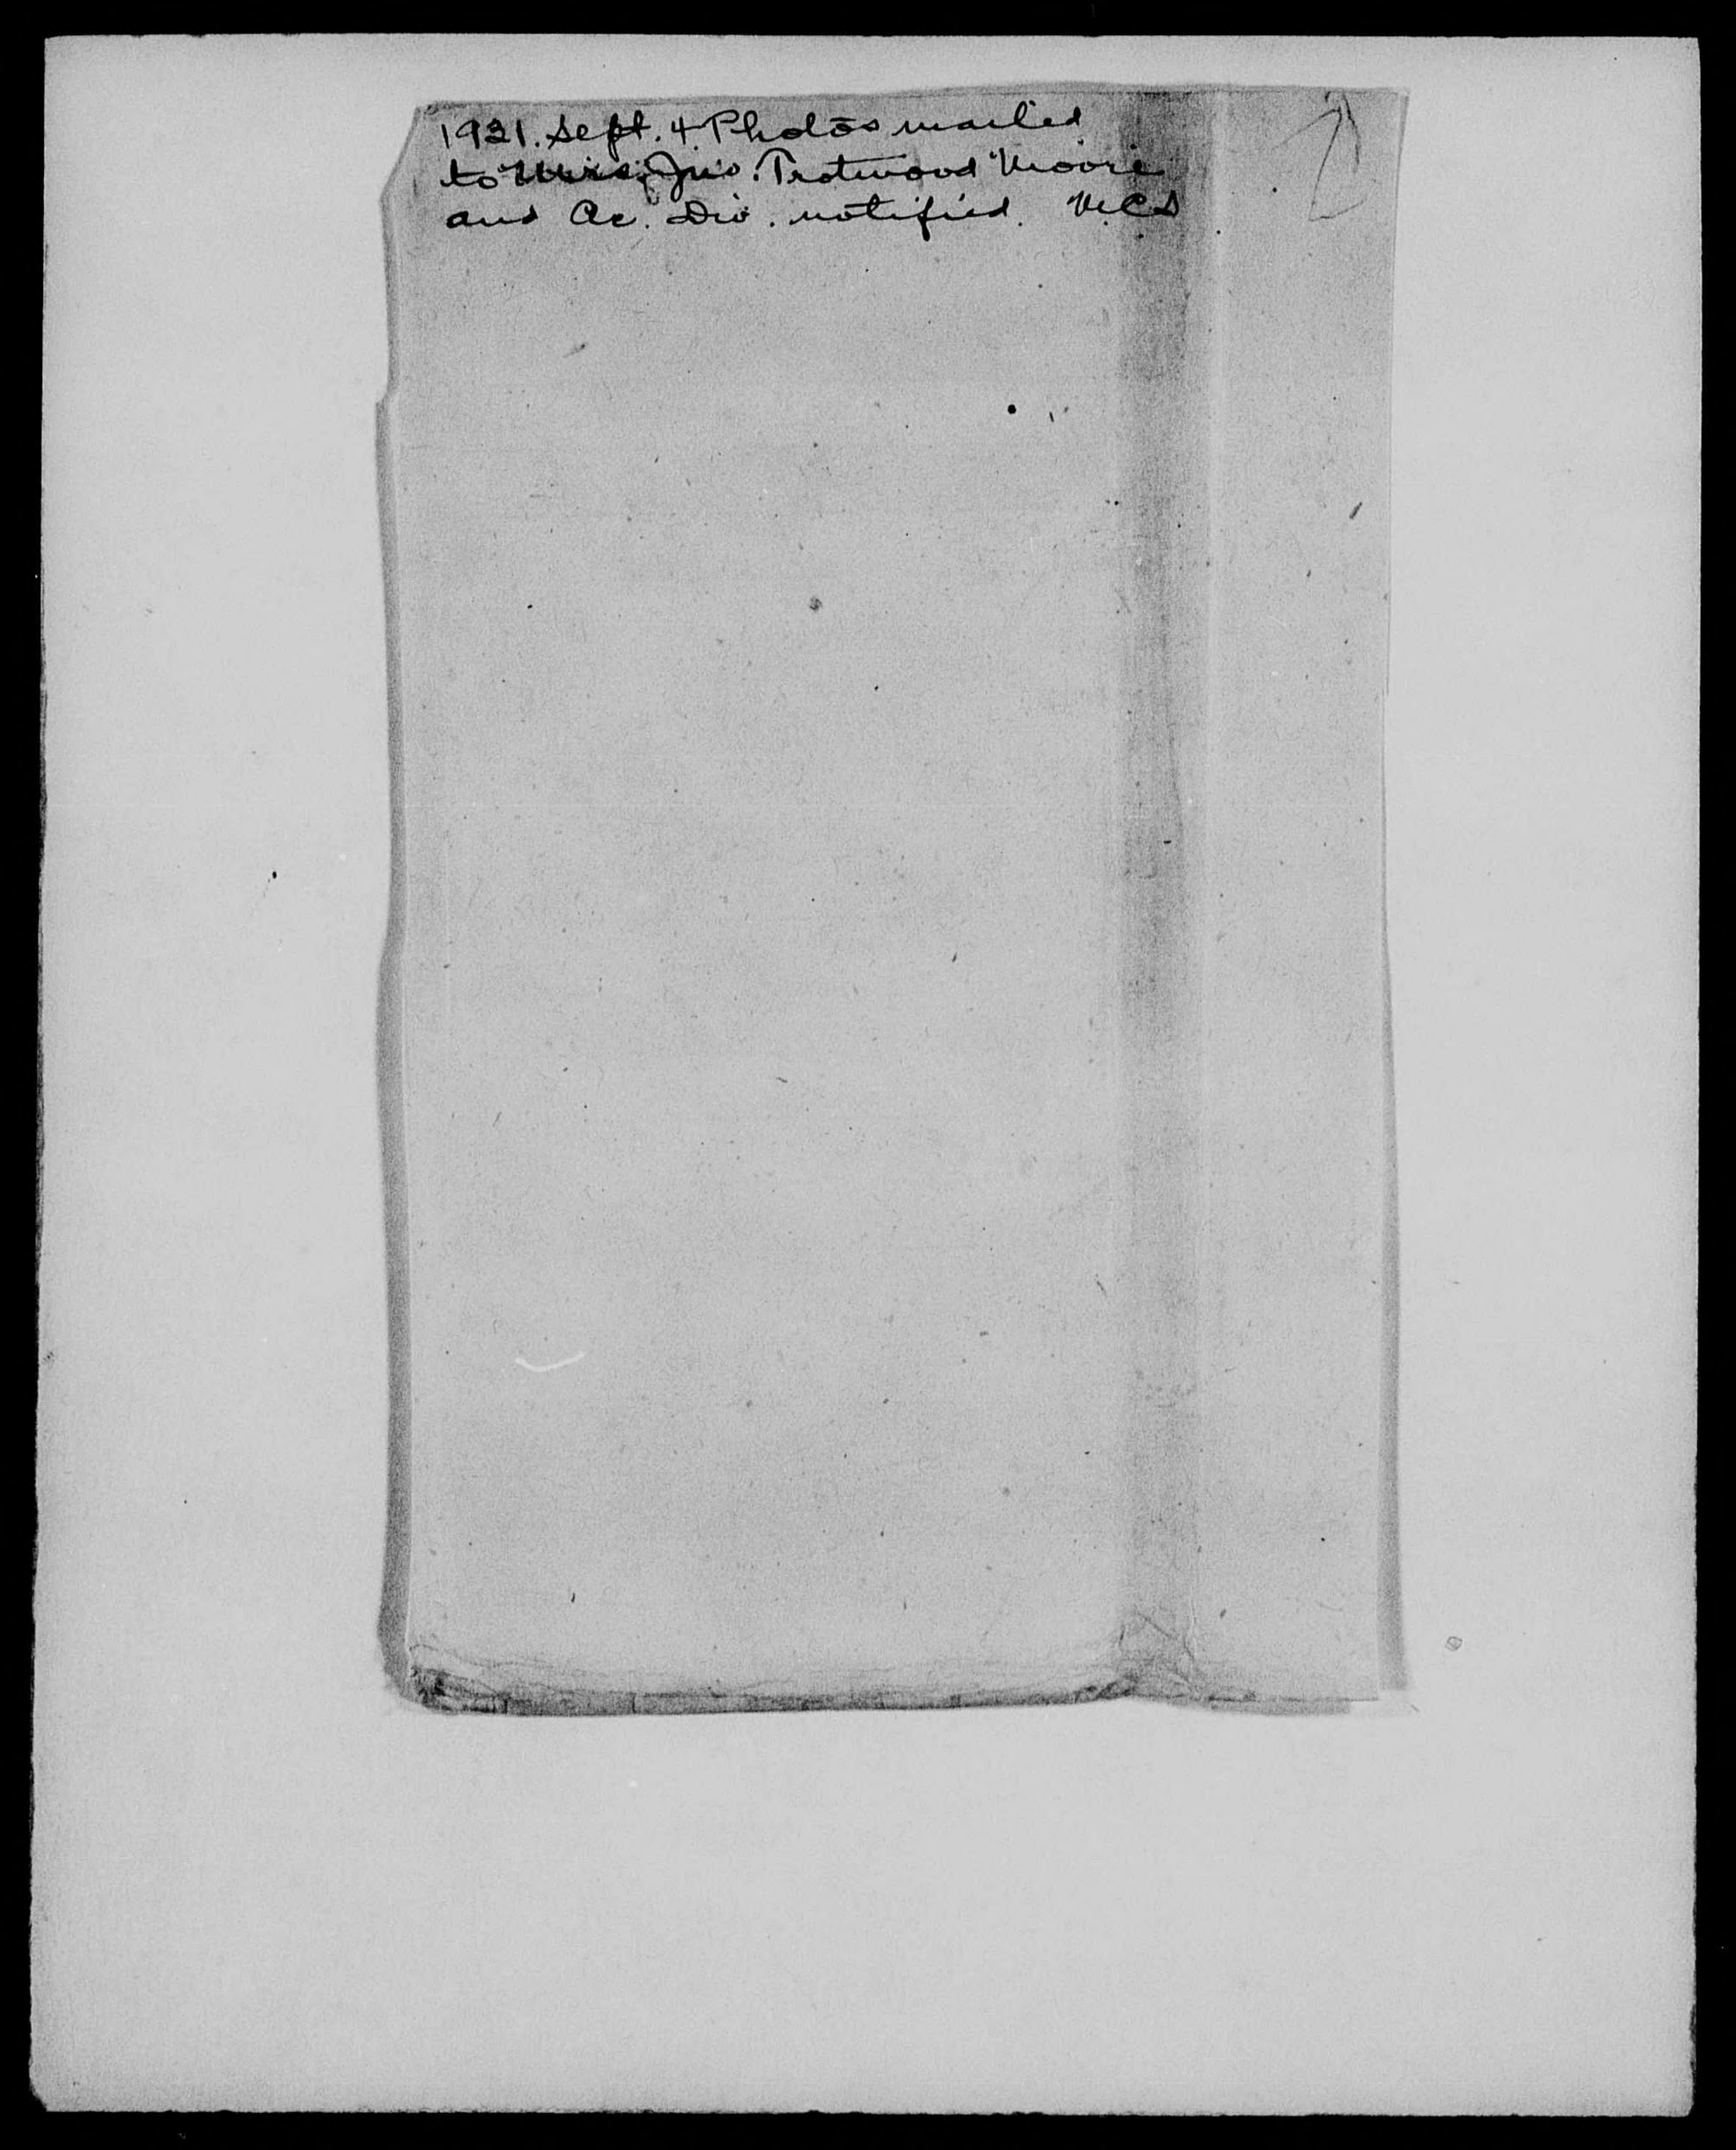1921 Sept 4. Photos mailed to Mrs Jno Trotwood Moore and Ac. Div. Notified    MCS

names: Jno Trotwood Moore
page: 14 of 144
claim: rejected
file: R. 5208, Dennis Hopkins, N.C.